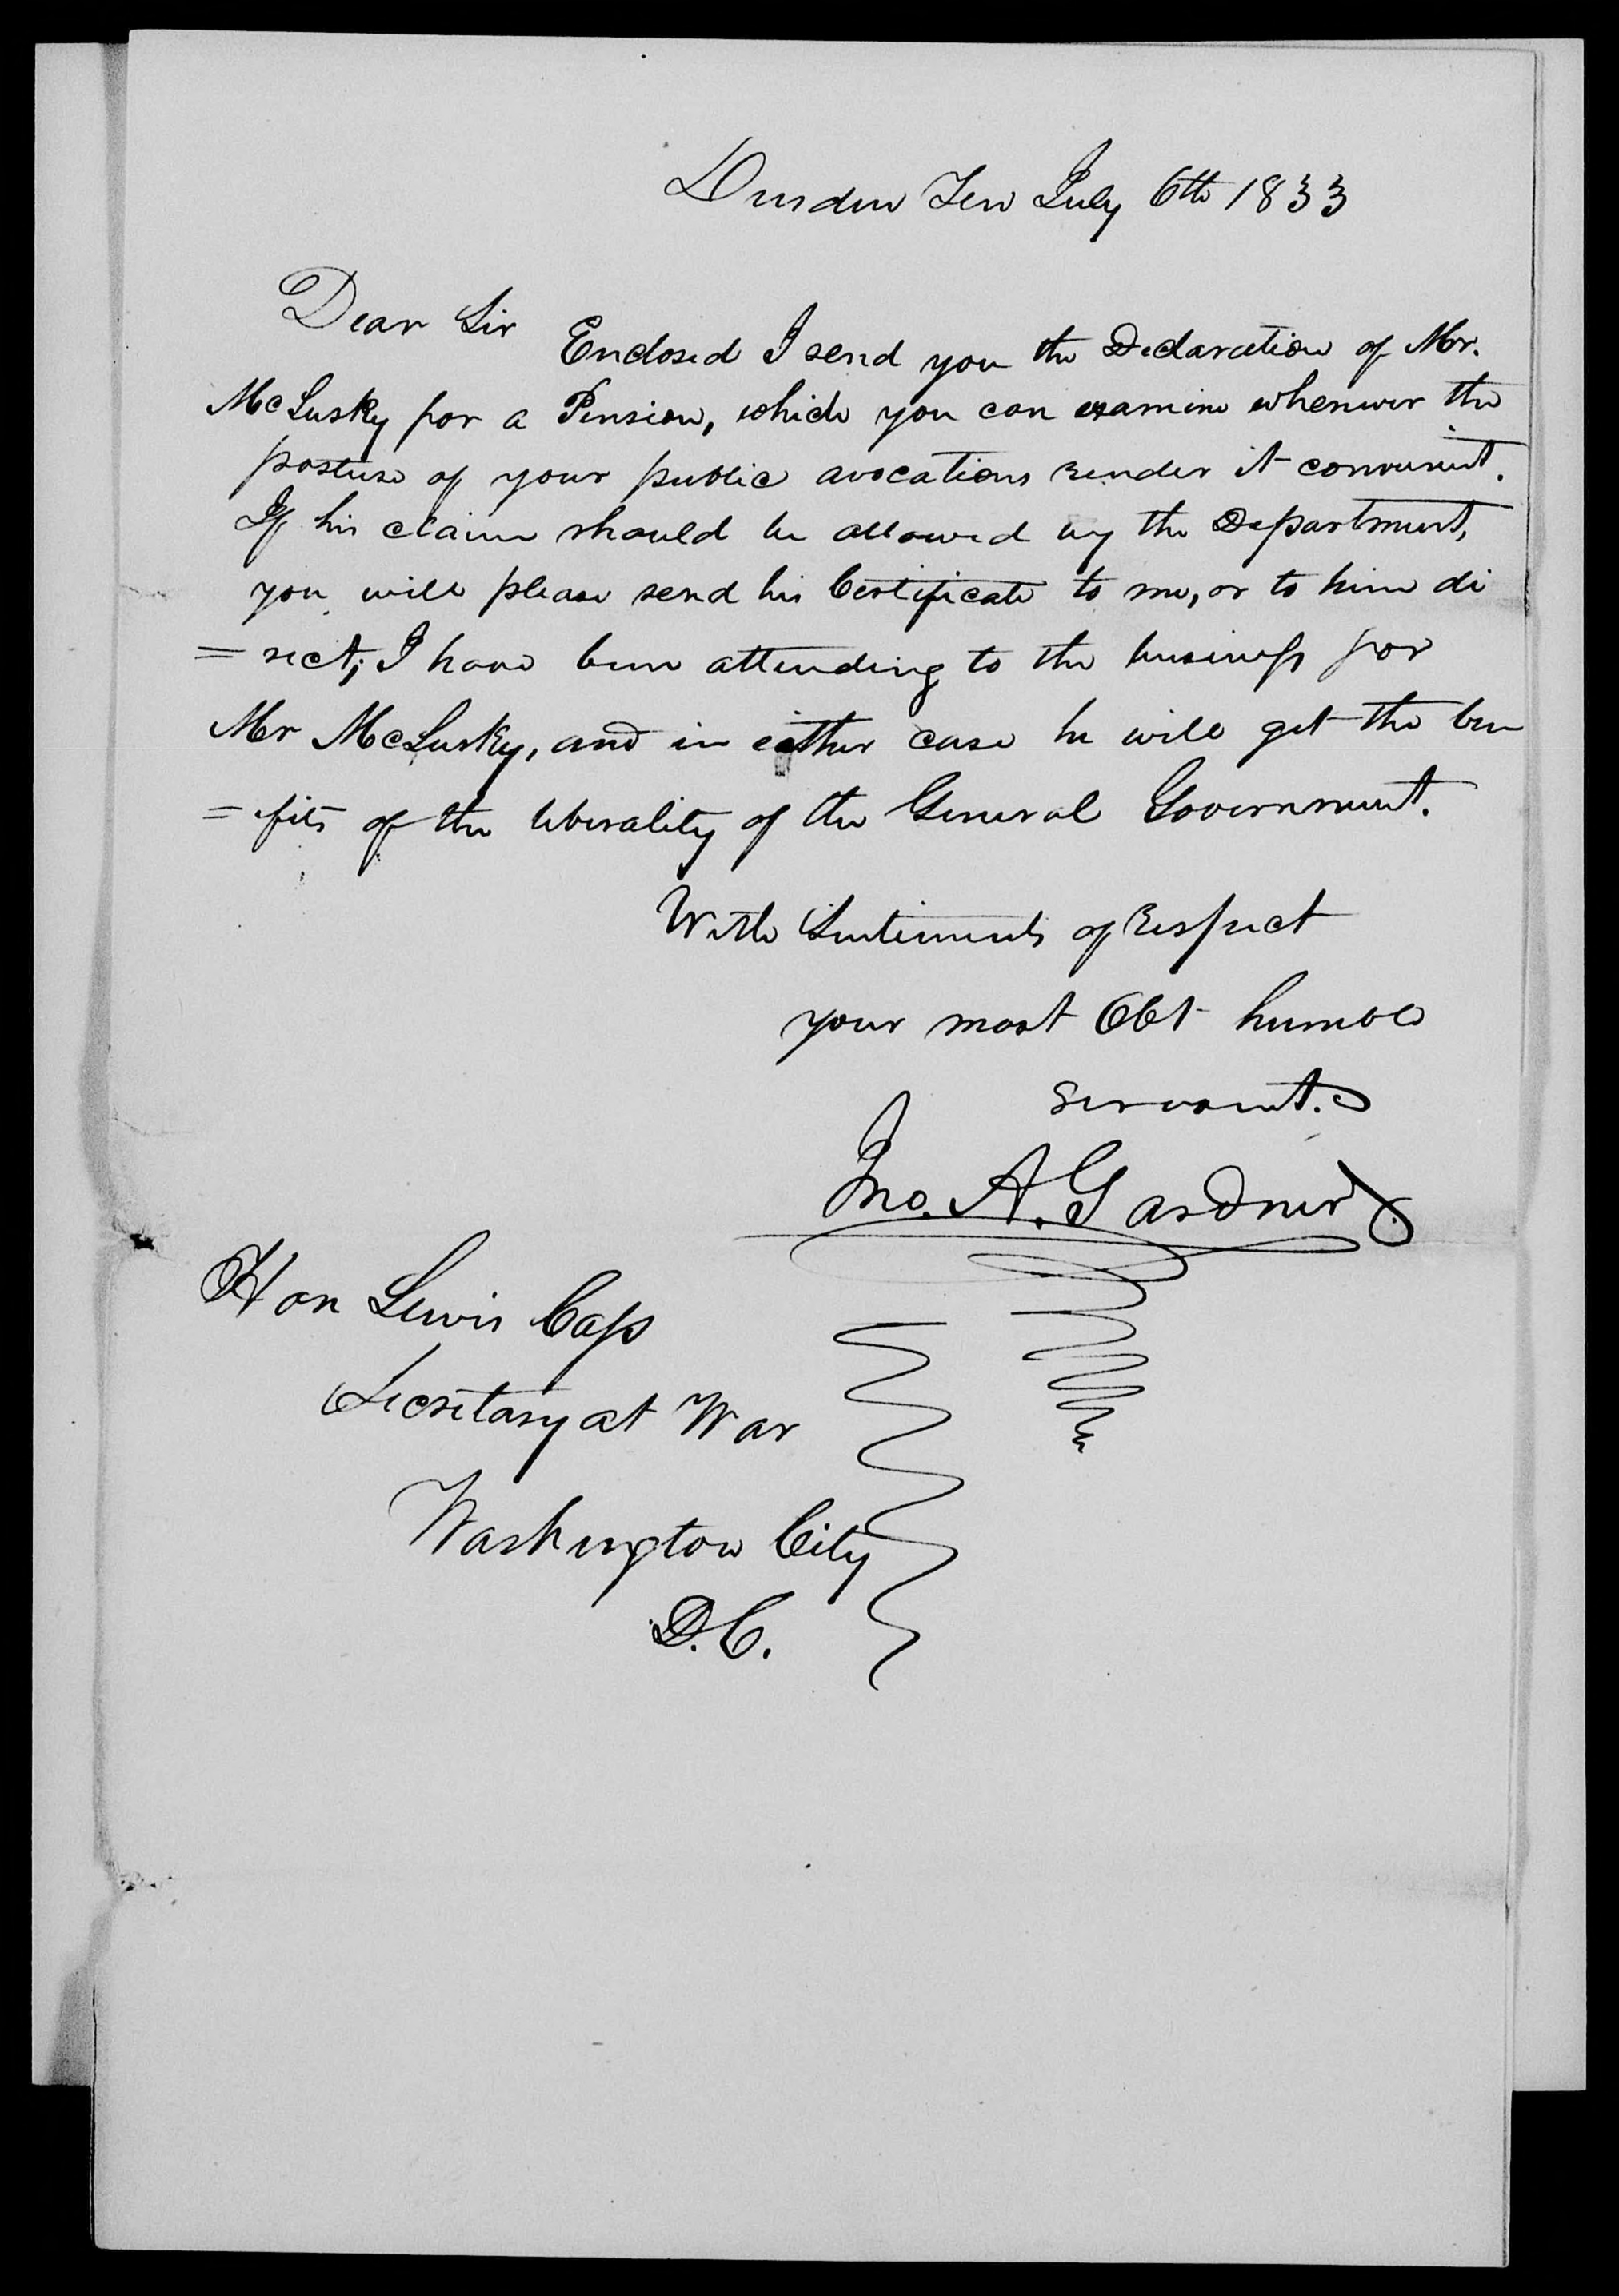Dresden Ten July 6th 1833 

Dear Sir

Enclosed I send you the Declaration of Mr. McLusky for a Pension, which you can examine whenever the posture of your public avocations render it convienent. If his claim should be allowed by the Department, you will please send his certificate to me, or to him direct; I have been attending to the business for Mr McLusky, and in either case he will get the be benefits of the liberality of the General Government. 
With sentiments of respect. 
your most Obt humbld 
Servant. 
Jon. A. Gardner 

Hon Lewis Cass
Secretary at War  
Washington City 
D.C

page: 13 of 14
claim: survivor's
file: S. 1693, for William Mc Lusky, South Carolina